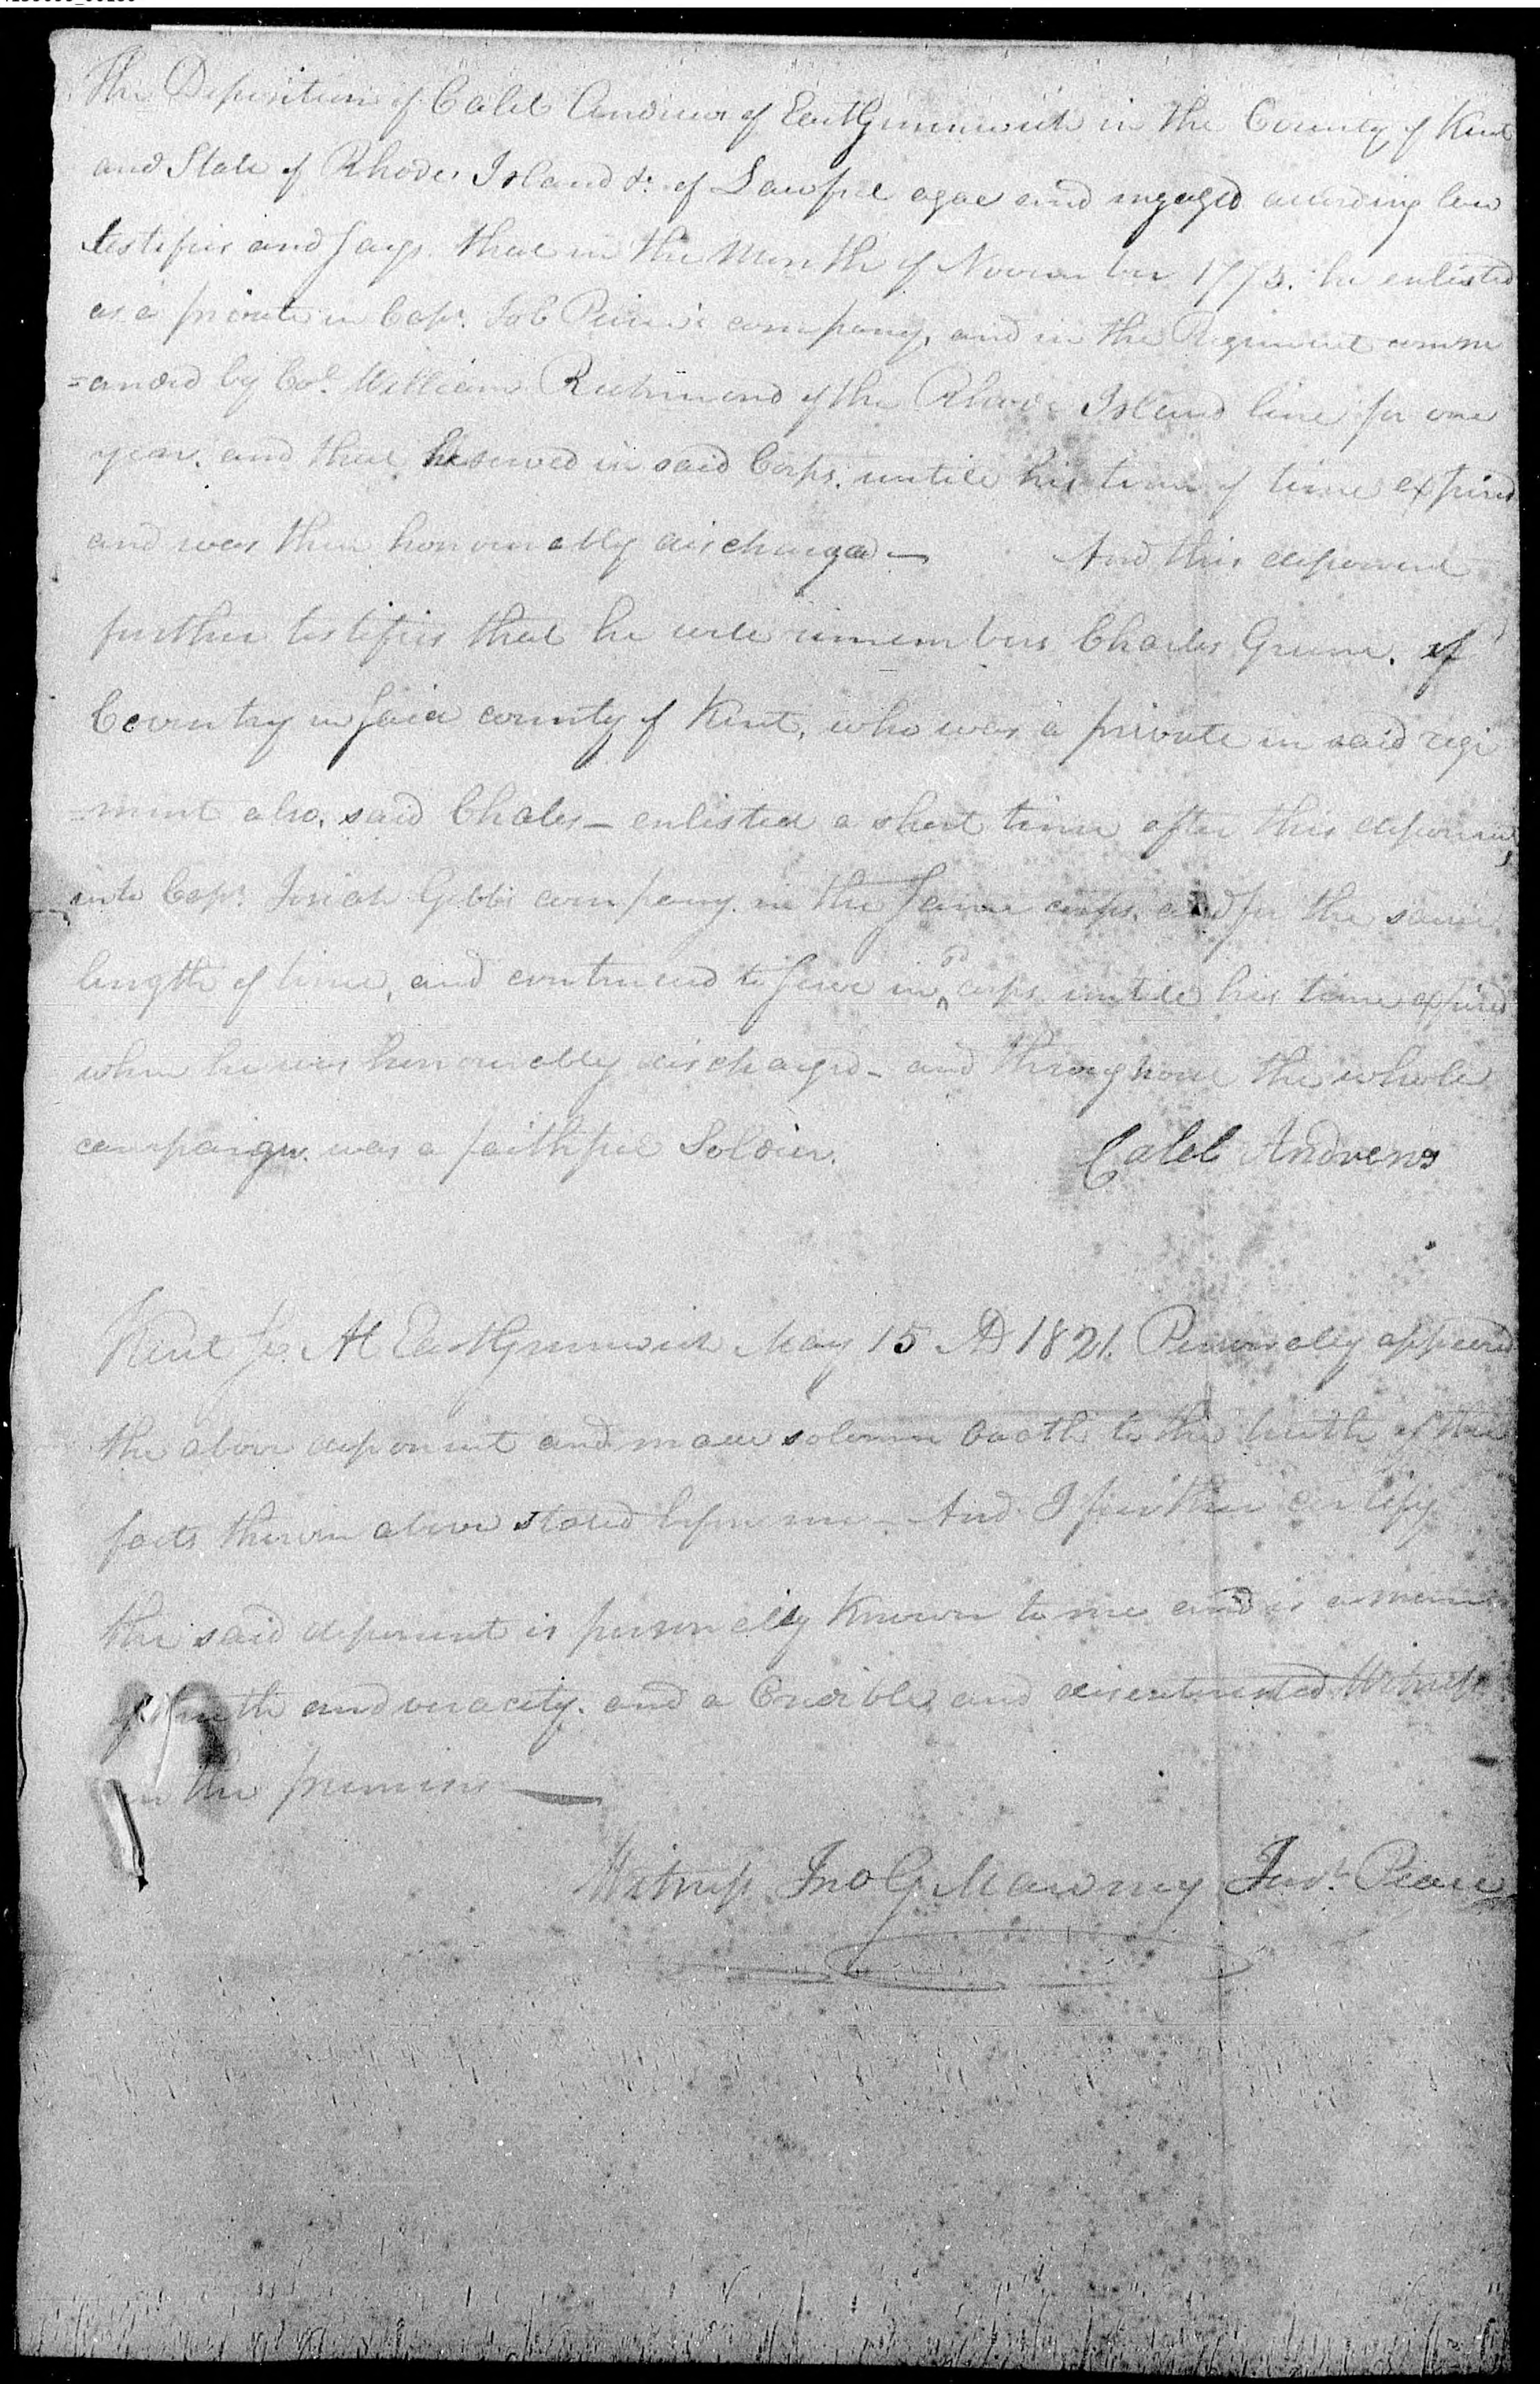The deposition of Caleb Andrews of East Greenwich in the County of Kent and State of Rhode Island & of lawful age and engaged according law testified and says there in there in the month of November 1775 he enlisted as private in Capt Job ? company and in the Regiment commanded by Col. William Richmond of the Rhode Island line for one year and there he served in said Corps until his term of time expired and was then honorably discharged - And this ? further testifies that he well remembers Charles Greene of Coventry in said county of Kent, who was a private in said regiment also, said Charles - enlisted a short time after this informant into Capt. Josiah Gibbs company in the same corps and over the same length of time, and entered the serve in the corps until his time expired when he was honorably discharged and throughout the whole campaign was a faithful soldier. Caleb Andrews

Kent At East Greenwich May 15 AD 1821 Personally appeared the above informant and made solemn oath to the truth of the facts therin above stated and I further certify the said informant is personally known to me and a credible and disinterested ? in the principles.
Witness Jno G Mawney Just. Peace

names: William Richmond, Chales, Caleb Andrews, Charles Greene, Jno G Mawney, Caleb Andrews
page: 8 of 20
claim: survivor's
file: S. 38755, Charles Greene, R.I.